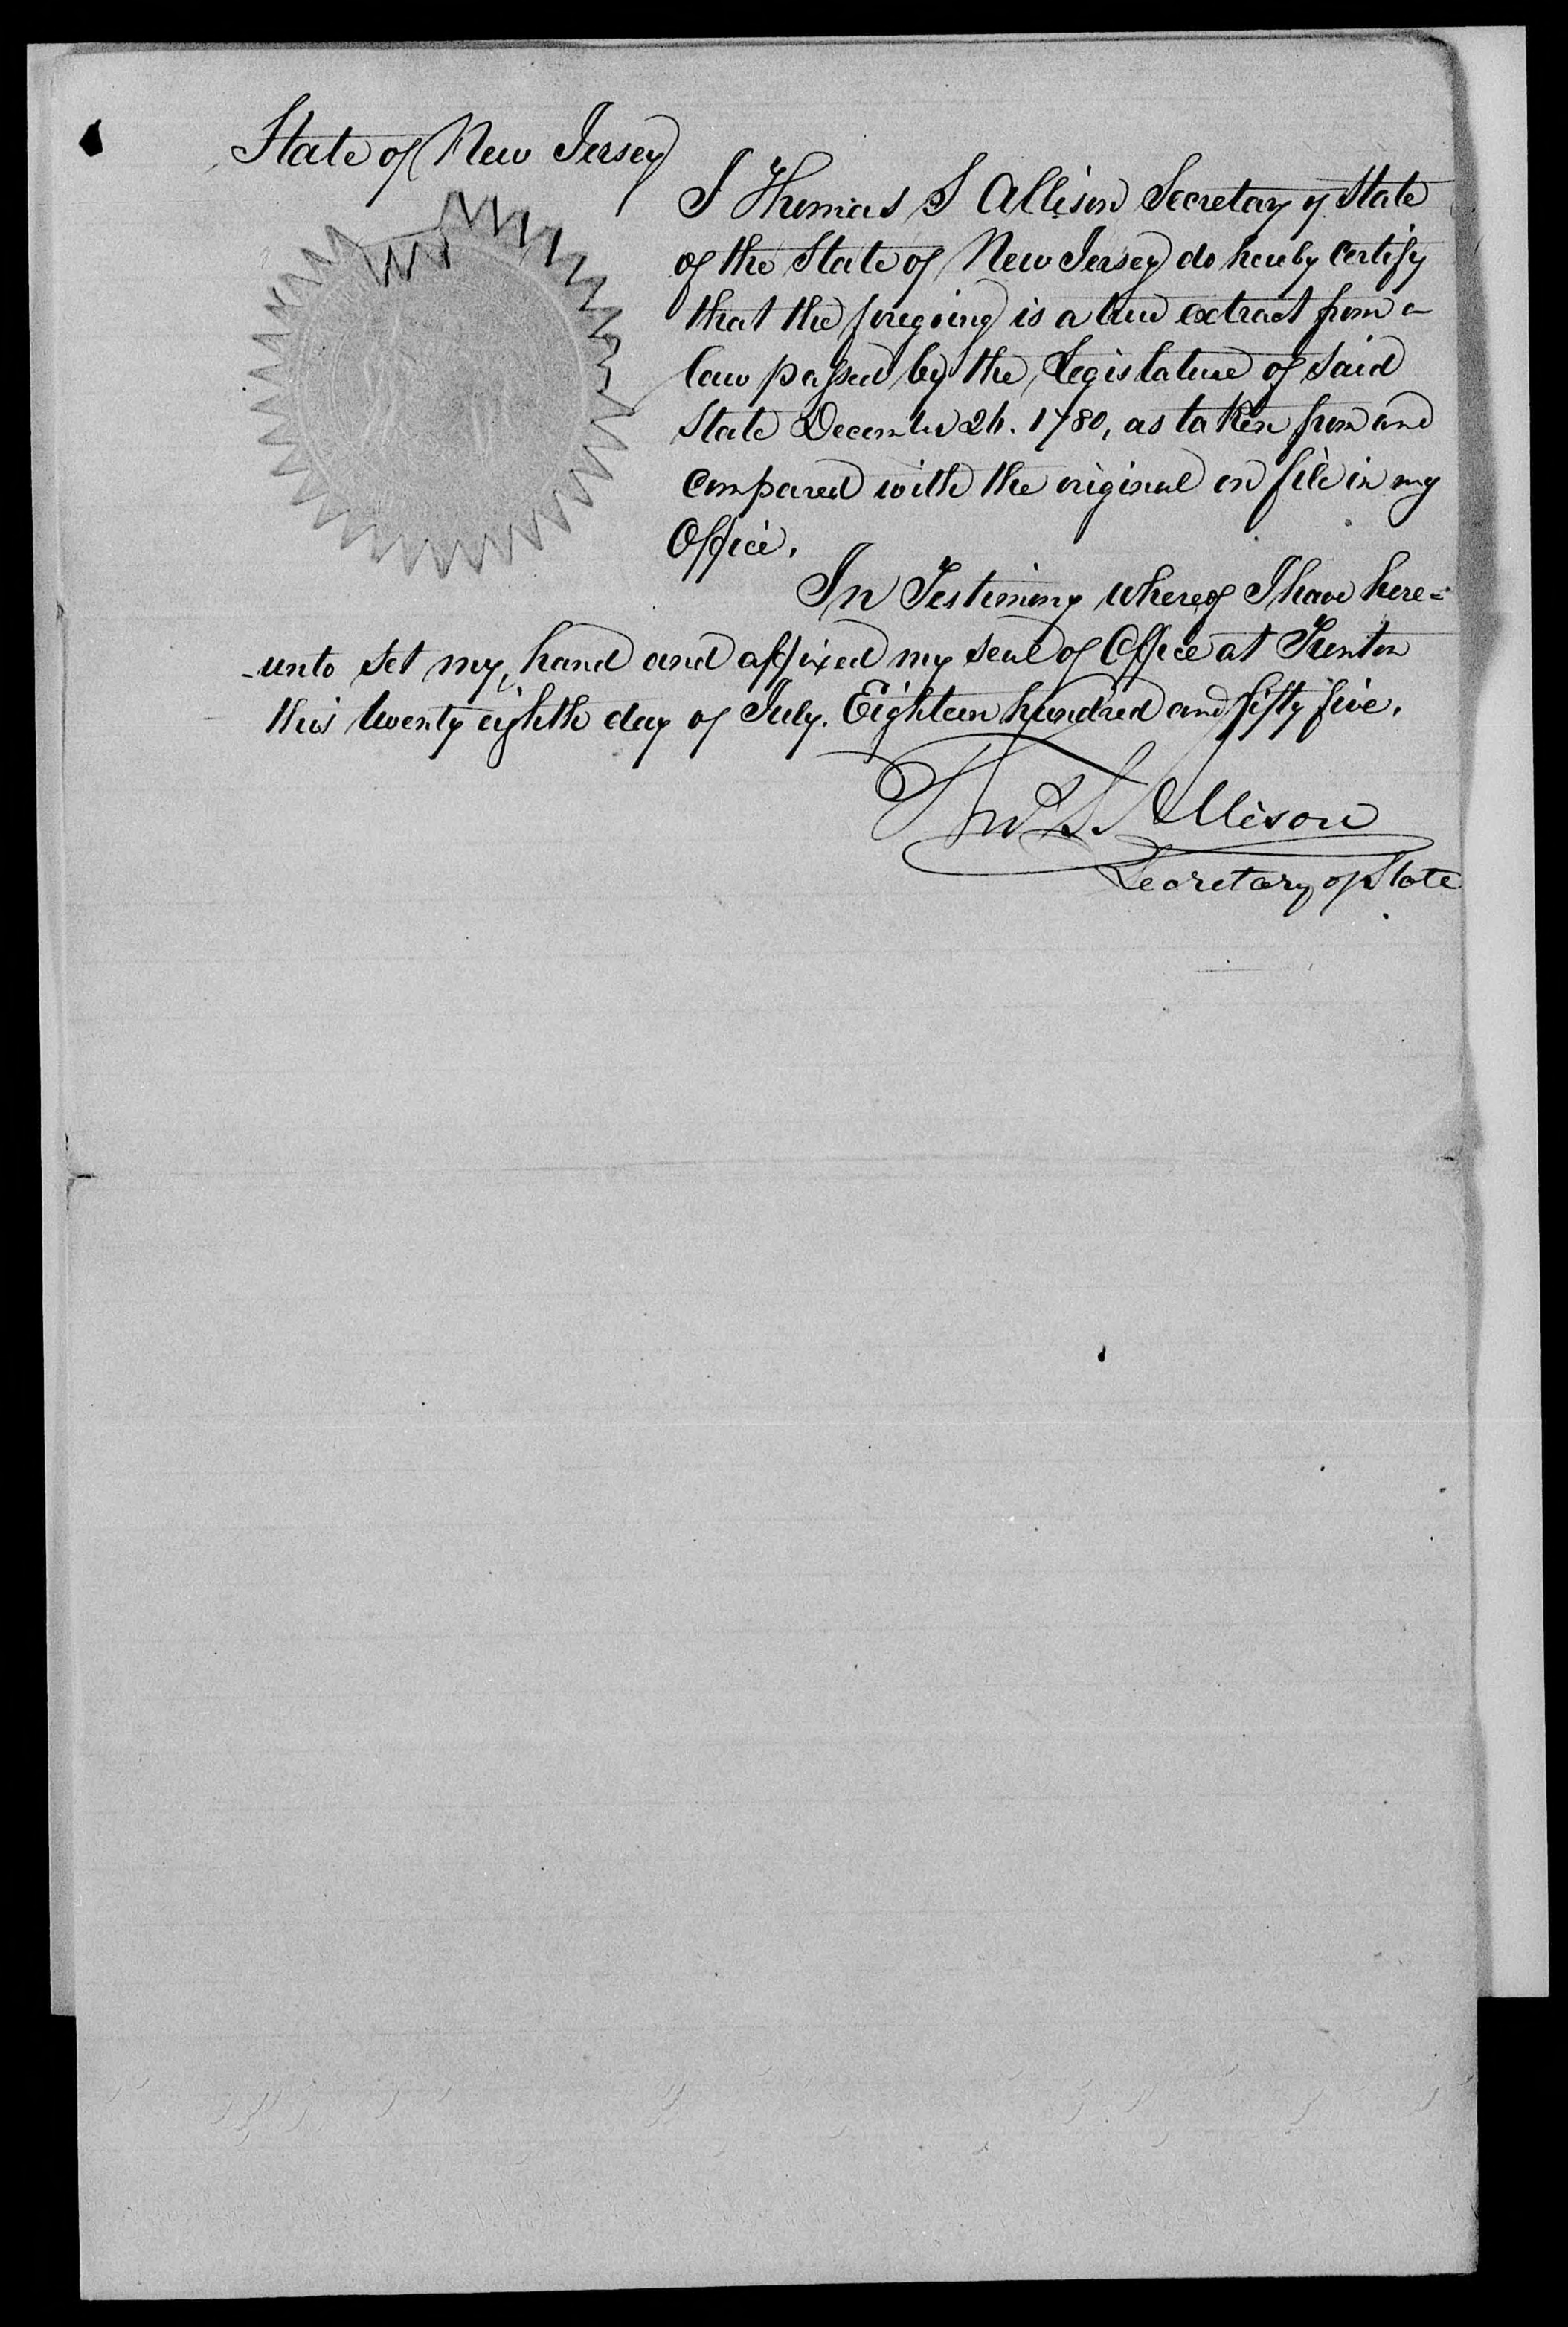State of New Jersey//

I, Thomas S. Allison, Secretary of State of the State of New Jersey, do hereby certify that the foregoing is a true extract from a law passed by the Legislature of said State, December 26, 1780, as taken from and compared with the original on file in my office.

In Testimony whereof I have hereunto set my hand and affixed my Seal of Office at Trenton this Twenty eighth day of July Eighteen Hundred and Fifty five.
s/ Thomas S. Allison, Secretary of State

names: Thomas S Allison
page: 55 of 95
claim: survivor's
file: S 2889, for Levi Mundy, New Jersey